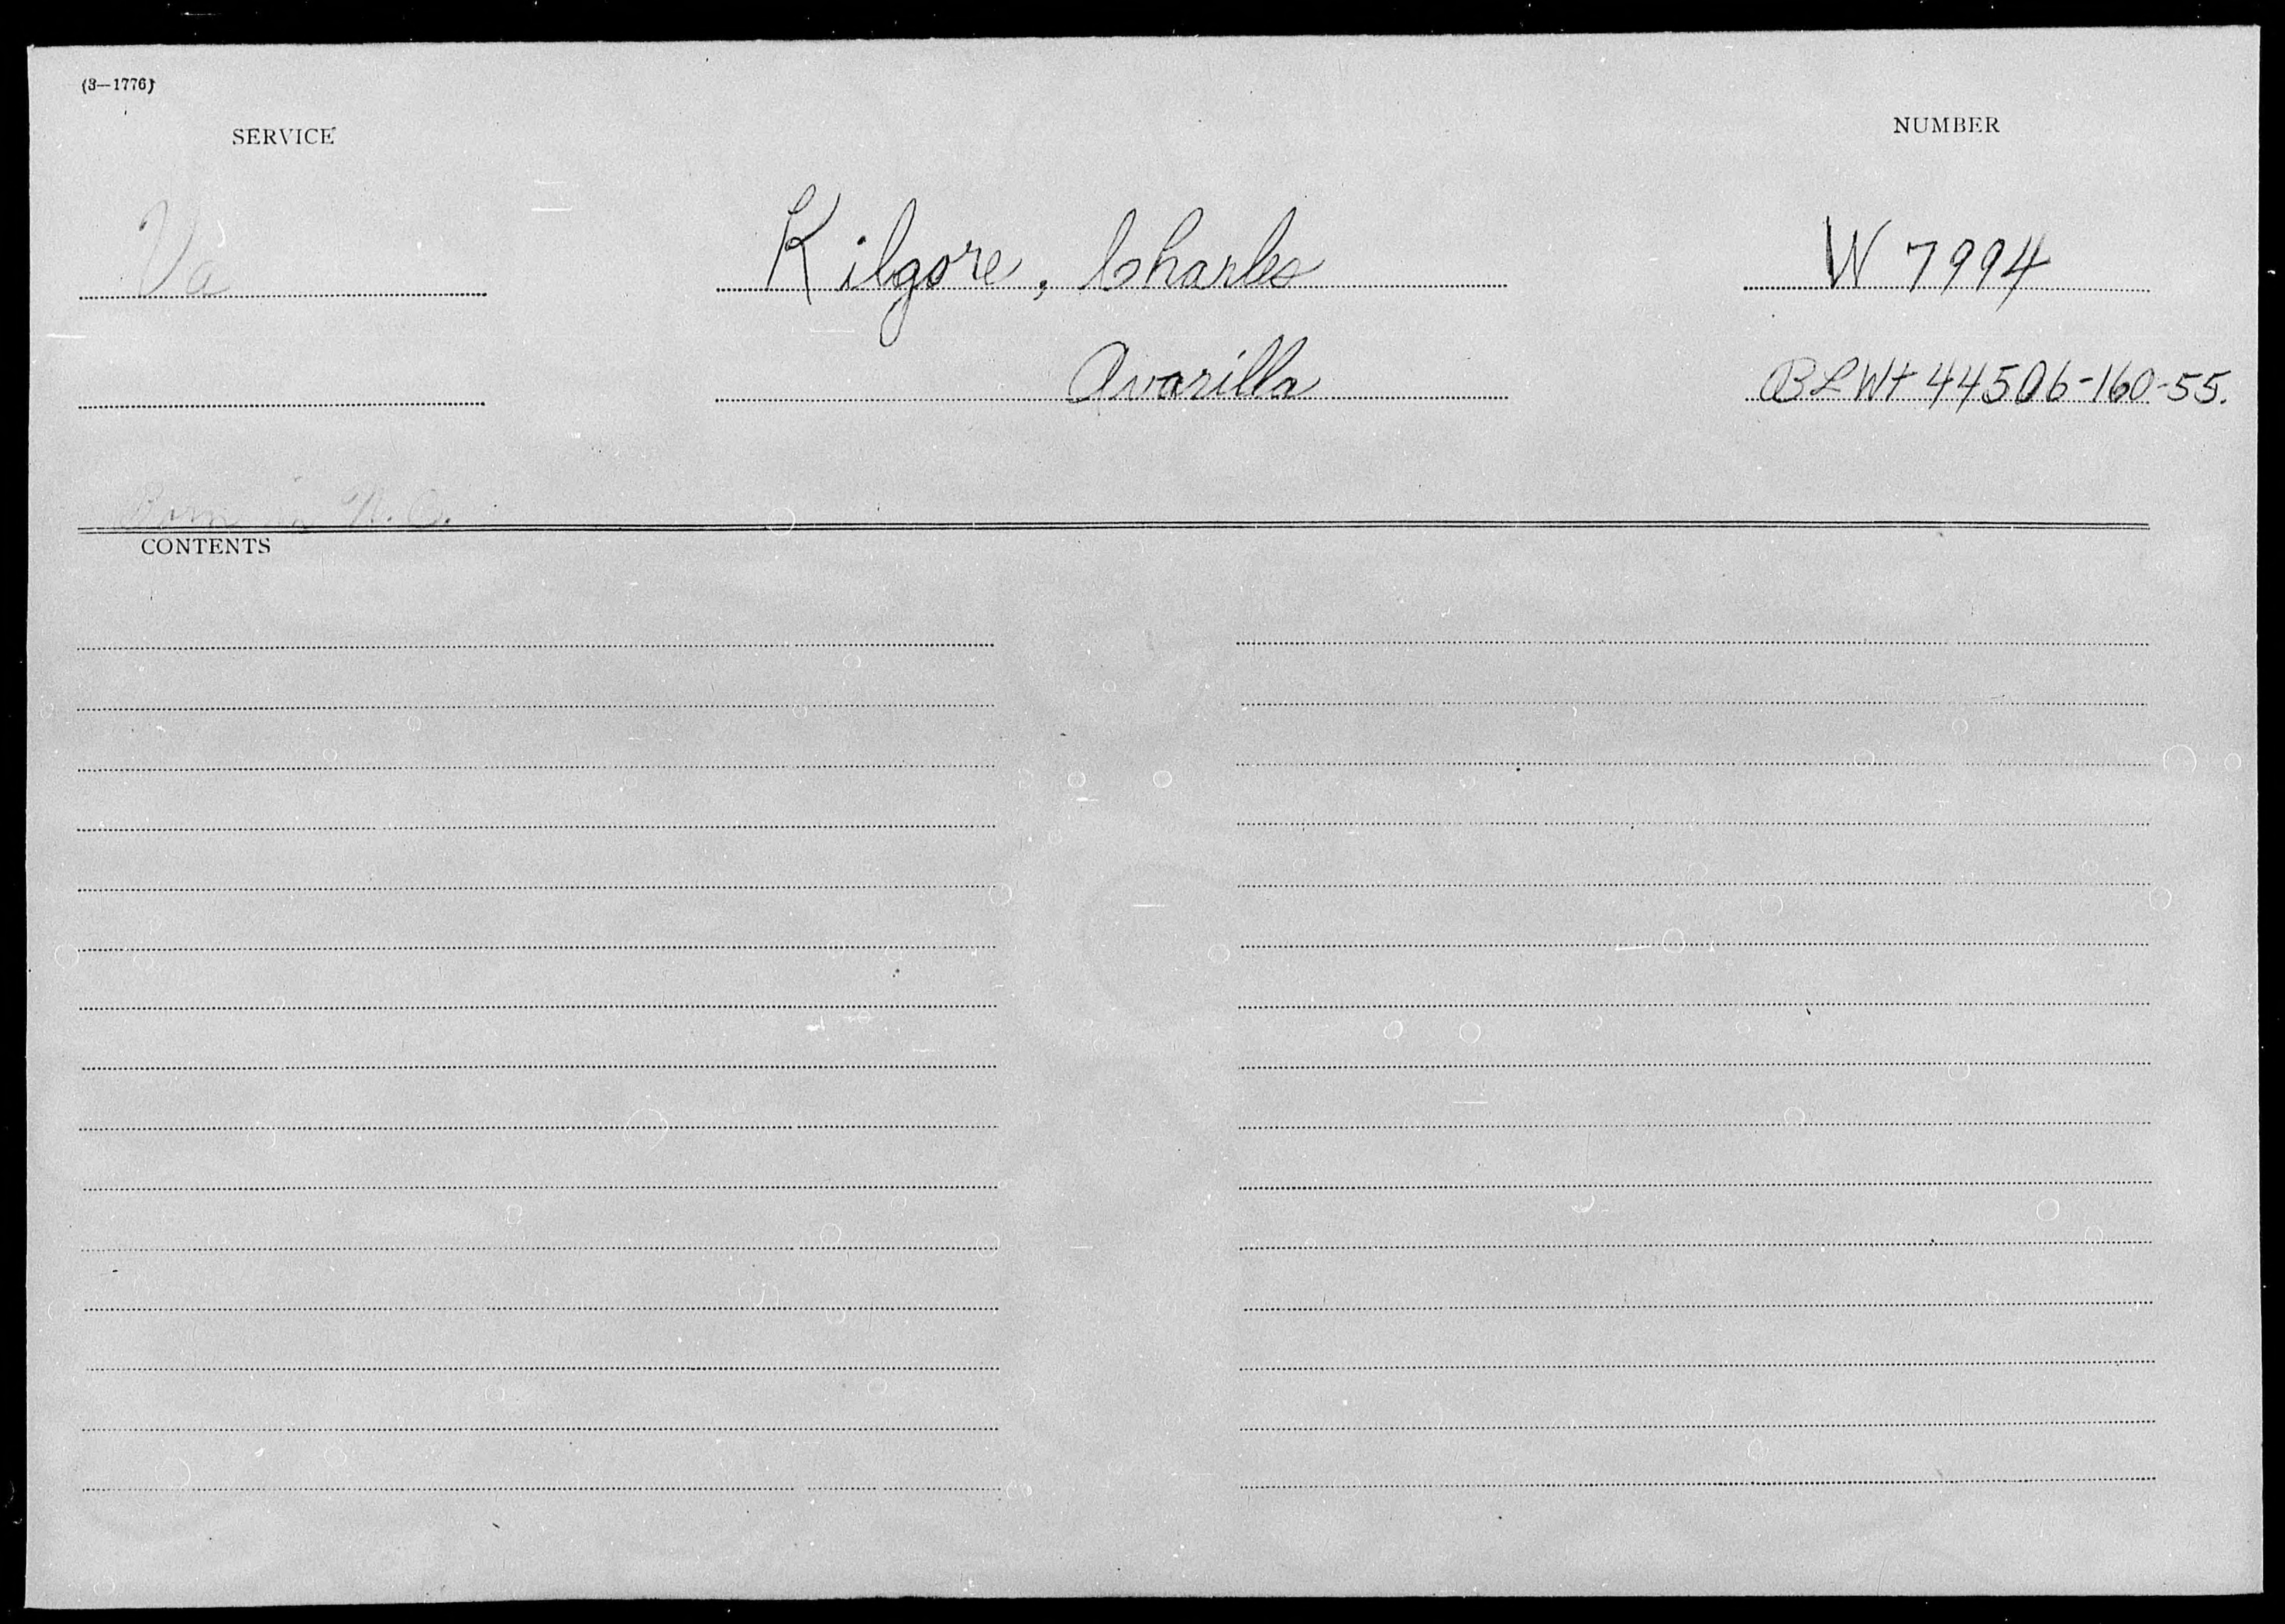(3-1776)
SERVICE Va
Kilgore, Charles
Avarilla
NUMBER W 7994
BLW+44506-160-55.
CONTENTS [BLANK]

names: Charles Kilgore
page: 41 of 115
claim: survivor's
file: S. 699, for Charles Kilgore, Virginia